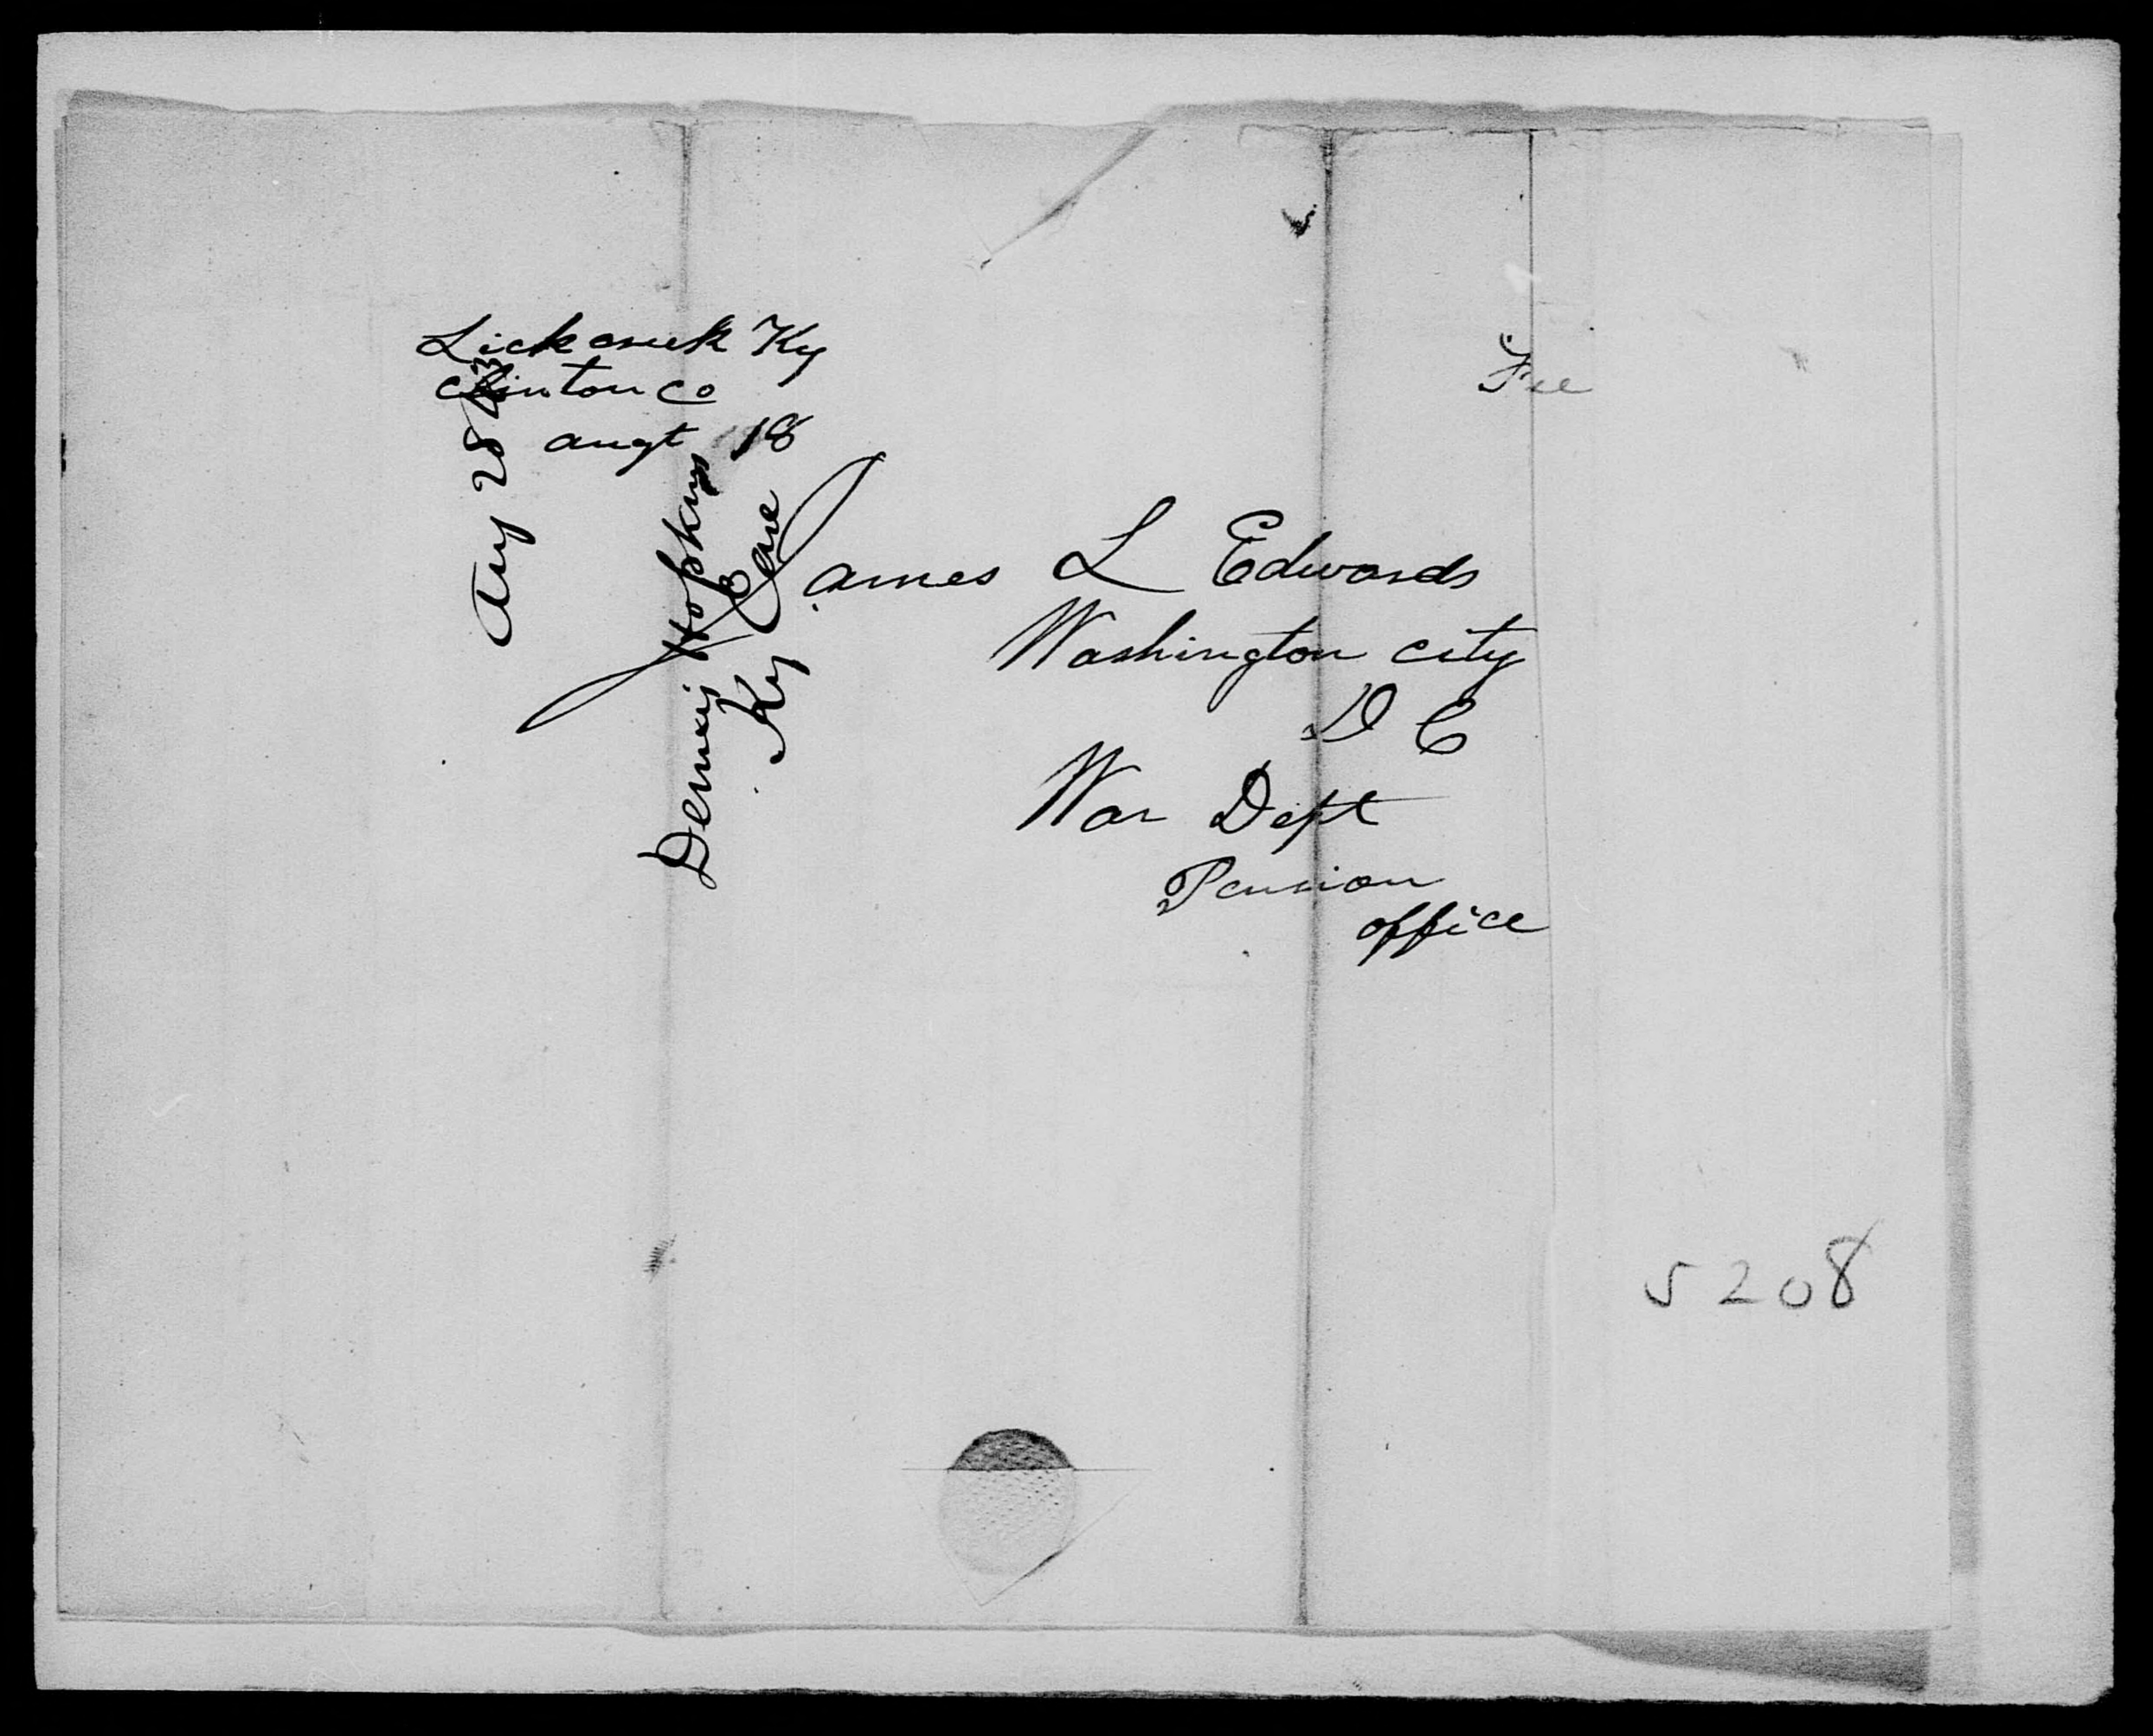Horizontal:

Lick Creek Ky
Clinton Co
Augt 18

Fee

James L Edwards
Washington City
War Dept
Pension
office
5208

Vertical:
Dennis Hopkins
Ky Care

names: Dennis Hopkins, James L Edwards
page: 36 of 144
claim: rejected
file: R. 5208, Dennis Hopkins, N.C.